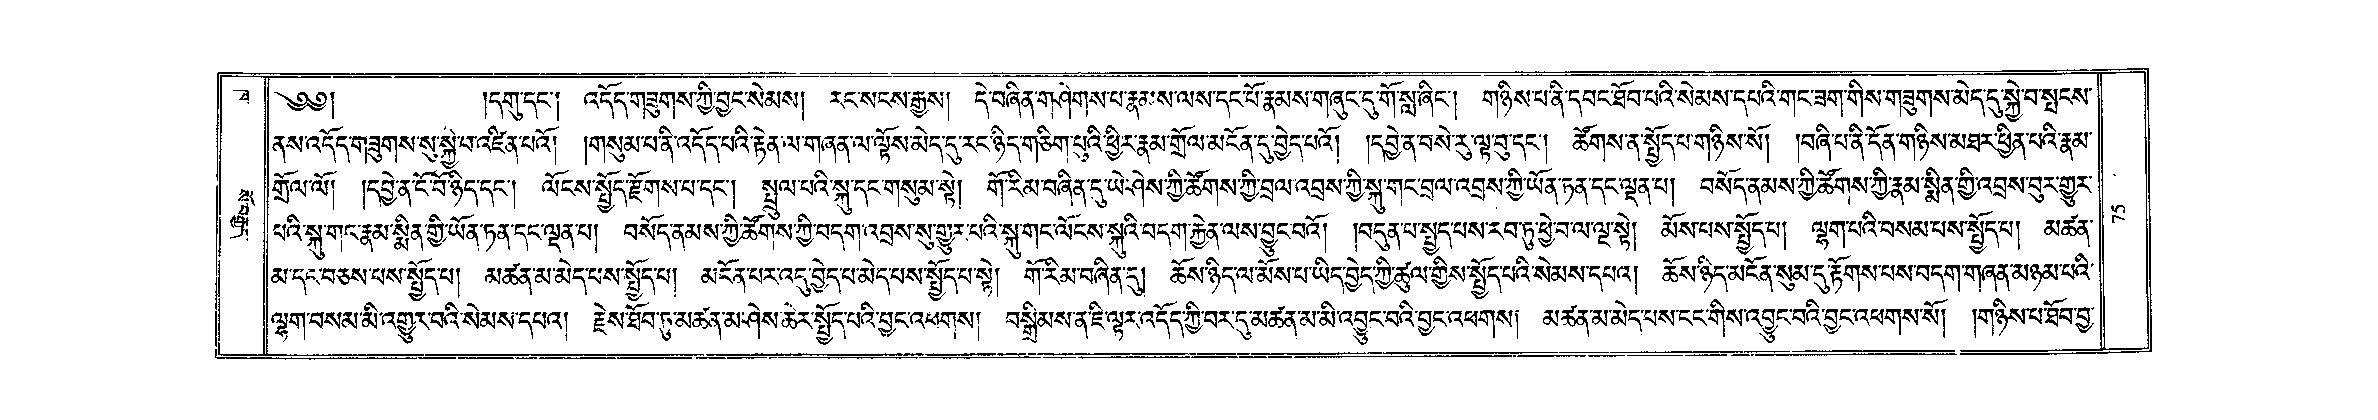༄༅། །དགུ་དང་། འདོད་གཟུགས་ཀྱི་བྱང་སེམས། རང་སངས་རྒྱས། དེ་བཞིན་གཤེགས་པ་རྣམས་ལས་དང་པོ་རྣམས་གཞུང་དུ་གོ་སླ་ཞིང་། གཉིས་པ་ནི་དབང་ཐོབ་པའི་སེམས་དཔའི་གང་ཟག་གིས་གཟུགས་མེད་དུ་སྐྱེ་བ་སྤངས་
ནས་འདོད་གཟུགས་སྐུ་སྐྱེ་བ་འཛིན་པའོ། །གསུམ་པ་ནི་འདོད་པའི་རྟེན་ལ་གཞན་ལ་ལྟོས་མེད་དུ་རང་ཉིད་གཅིག་པུའི་ཕྱིར་རྣམ་གྲོལ་མངོན་དུ་བྱེད་པའོ། །དབྱེ་ན་བསེ་རུ་ལྟ་བུ་དང་། ཚོགས་ན་སྤྱོད་པ་གཉིས་སོ། །བཞི་པ་ནི་དོན་གཉིས་མཐར་ཕྱིན་པའི་རྣམ་
གྲོལ་ལོ། །དབྱེ་ན་ངོ་བོ་ཉིད་དང་། ལོངས་སྤྱོད་རྫོགས་པ་དང་། སྤྲུལ་པའི་སྐུ་དང་གསུམ་སྟེ། གོ་རིམ་བཞིན་དུ་ཡེ་ཤེས་ཀྱི་ཚོགས་ཀྱི་བྲལ་འབྲས་ཀྱི་སྐུ་གང་བྲལ་འབྲས་ཀྱི་ཡོན་ཏན་དང་ལྡན་པ། བསོད་ནམས་ཀྱི་ཚོགས་ཀྱི་རྣམ་སྨིན་གྱི་འབྲས་བུར་གྱུར་
པའི་སྐུ་གང་རྣམ་སྨིན་གྱི་ཡོན་ཏན་དང་ལྡན་པ། བསོད་ནམས་ཀྱི་ཚོགས་ཀྱི་བདག་འབྲས་སུ་གྱུར་པའི་སྐུ་གང་ལོངས་སྐུའི་བདག་རྐྱེན་ལས་བྱུང་བའོ། །བདུན་པ་སྤྱད་པས་རབ་ཏུ་ཕྱེ་བ་ལ་ལྔ་སྟེ། མོས་པས་སྤྱོད་པ། ལྷག་པའི་བསམ་པས་སྤྱོད་པ། མཚན་
མ་དང་བཅས་པས་སྤྱོད་པ། མཚན་མ་མེད་པས་སྤྱོད་པ། མངོན་པར་འདུ་བྱེད་པ་མེད་པས་སྤྱོད་པ་སྟེ། གོ་རིམ་བཞིན་དུ། ཆོས་ཉིད་ལ་མོས་པ་ཡིད་བྱེད་ཀྱི་ཚུལ་གྱིས་སྤྱོད་པའི་སེམས་དཔའ། ཆོས་ཉིད་མངོན་སུམ་དུ་རྟོགས་པས་བདག་གཞན་མཉམ་པའི་
ལྷག་བསམ་མི་འགྱུར་བའི་སེམས་དཔའ། རྗེས་ཐོབ་ཏུ་མཚན་མ་ཤེས་ཆེར་སྤྱོད་པའི་བྱང་འཕགས། བསྒྲིམས་ན་ཇི་ལྟར་འདོད་ཀྱི་བར་དུ་མཚན་མ་མི་འབྱུང་བའི་བྱང་འཕགས། མཚན་མ་མེད་པས་ངང་གིས་འབྱུང་བའི་བྱང་འཕགས་སོ། །གཉིས་པ་ཐོབ་བྱ་